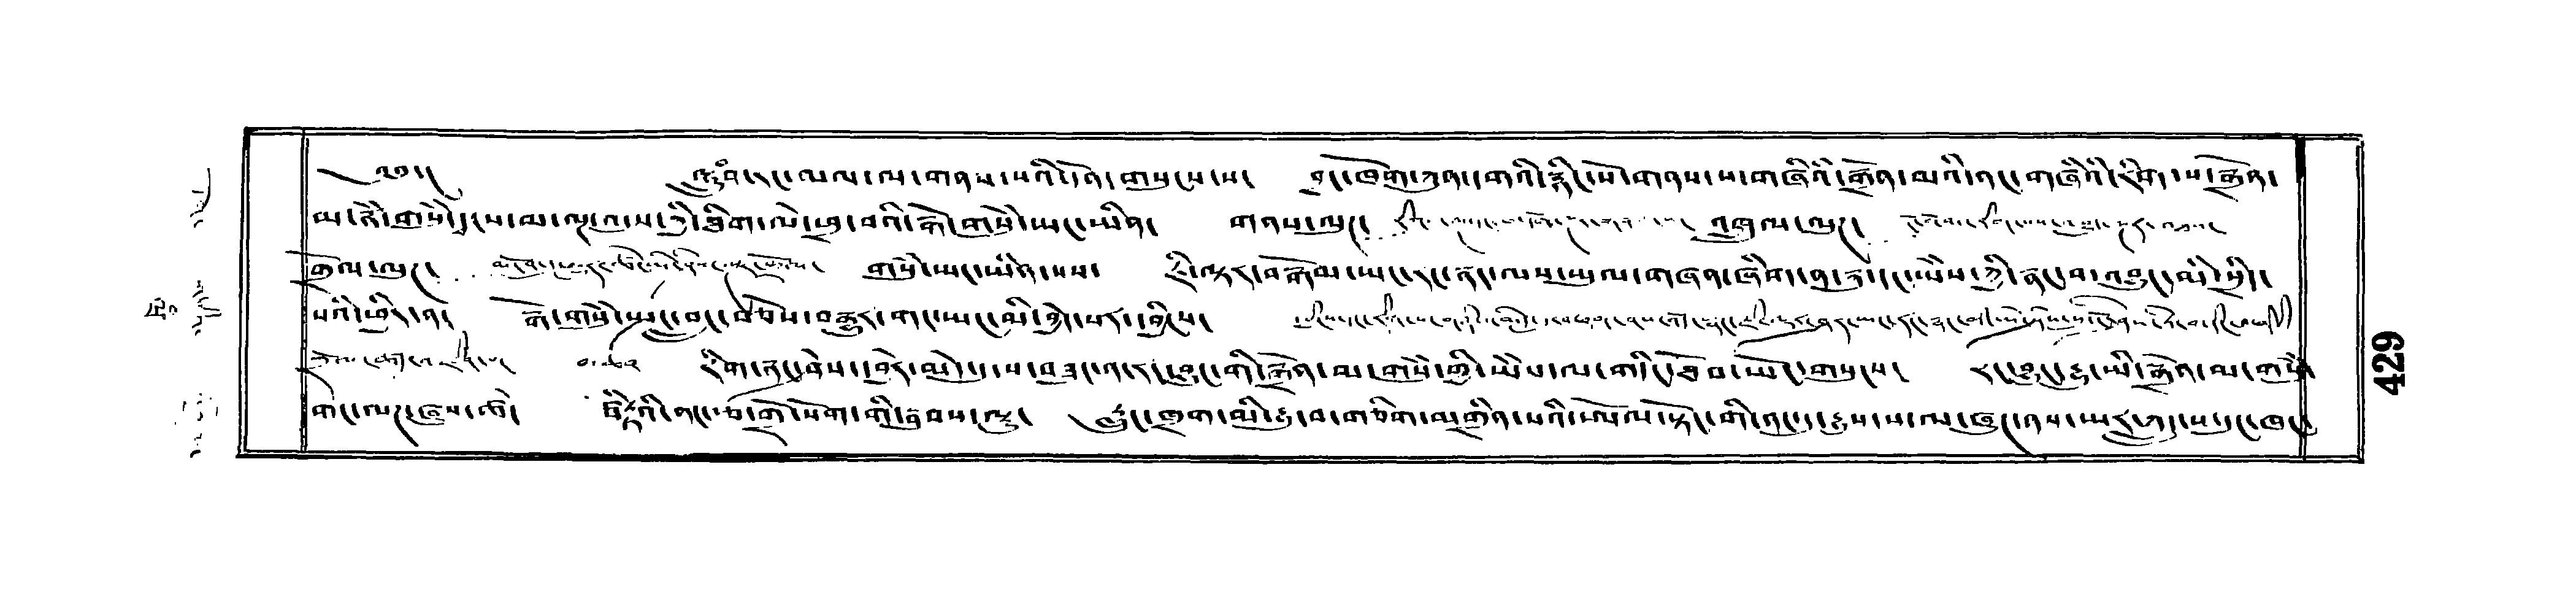ལྷུན་གྲུབ་རང་མལ་ལ་གནས་པའི་དོན་གསུངས་པ། བྱང་ཁོག་ཀུན་དགའི་སྙིང་པོ་གནས་པ་གཞིའི་སྒྲོན་མའི་ནང་གཞིའི་རིག་པ་སྒྲོན་
མ་རྣམ་གསུམ་དྭངས་མ་ལྔ་འདུས་ཀྱི་ཐིག་ལེ་ཕྲ་བའི་སྒོ་གསུམ་ཡང་ཡིན། གནས་ལུགས་འཁྲུལ་ལུགས་
གྲོལ་ལུགས་གསུམ་ཡང་ཡིན་པས། ཇི་ལྟར་བསྒོམ་ཡང་རང་སྣང་ལས་ཡུལ་གཞན་ཞིག་ན་སྐུ་དང་ཡེ་ཤེས་ཀྱི་སྣང་བ་འབྱུང་མི་སྲིད་
པའི་ཕྱིར་ན། སྒོ་གསུམ་སྤང་བླང་བཅོས་བསྒྱུར་གང་ཡང་མི་བྱེད་པར་དབྱིངས་
རིག་སྣང་ཤེས་དབྱེར་མེད་དུ་ས་བཟུང་ན་རང་བྱུང་གི་སྒྲོན་མ་གསུམ་གྱི་ཡེ་ཤེས་ལ་གདིང་ཐོབ་ཡོང་གསུངས། རང་བྱུང་རྒྱུ་ཡི་སྒྲོན་མ་གསུམ་
གང་ལགས་ཞུས་ཚེ། ཙིཏྟའི་ནང་རྩ་གྲོ་སོག་གི་སྦུབས་ལྟ་བུ། རླུང་ཁྲག་མི་རྒྱུ་བ་གཅིག་མགྲོན་པའི་ཨོལ་སྟོང་གི་ནང་དུ་རྒྱུས་པ་ལ་ཞུགས་ནས་ཡར་ཀླད་པ་དུང་ཁང་